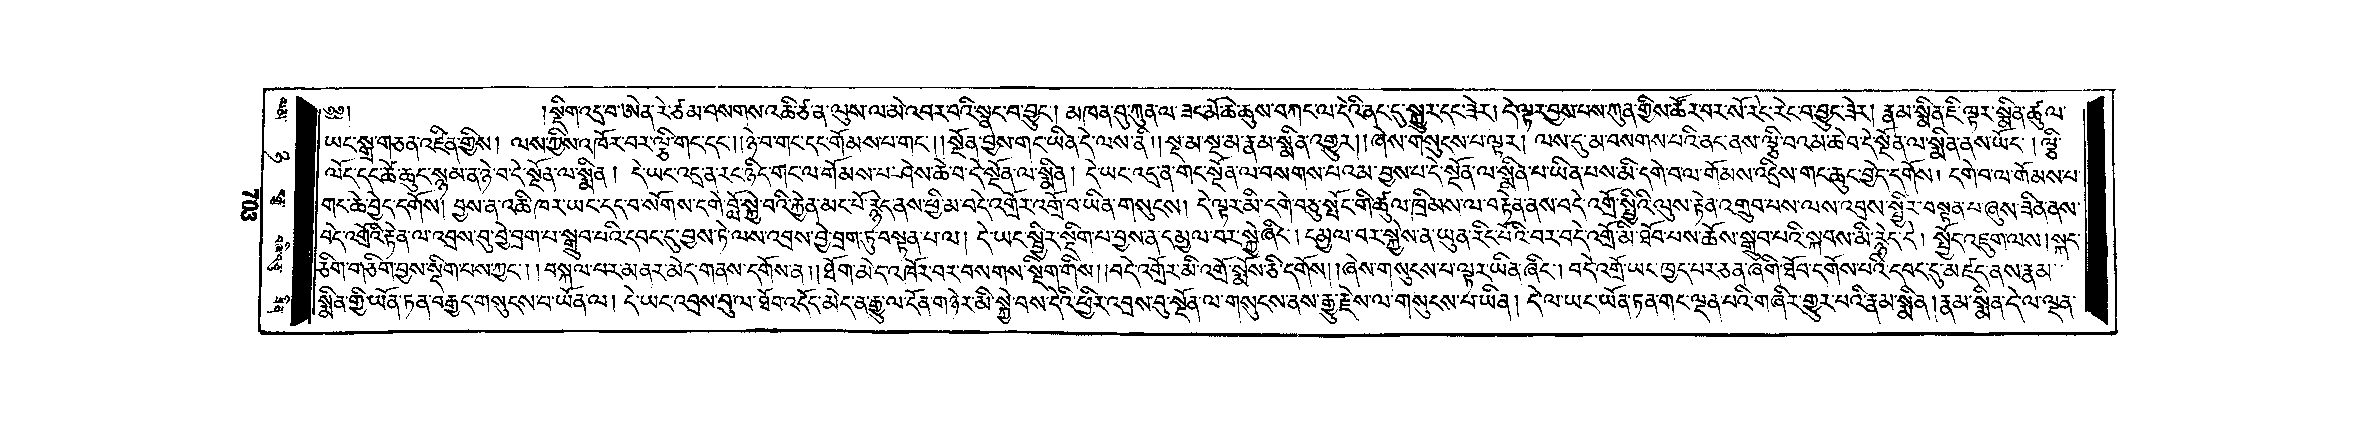༄༅། །སྡིག་འདྲ་བ་ཨེན་རེ་ཙམ་བསགས་འཆི་ཙ་ན་ལུས་ལ་མེ་འབར་བའི་སྣང་བ་བྱུང་། མཁན་བུ་ཀུན་ལ་ཟང་མོ་ཆེ་ཆུས་བཀང་ལ་དེའི་ནང་དུ་སྐྱུར་དང་ཟེར། དེ་ལྟར་བྱས་པས་ཀུན་གྱིས་ཚོར་བར་སོ་རེང་རེང་བ་བྱུང་ཟེར། རྣམ་སྨིན་ཇི་ལྟར་སྨིན་ཚུལ་
ཡང་སྒྲ་གཅན་འཛིན་གྱིས། ལས་ཀྱིས་འཁོར་བར་ལྕི་གང་དང་། །ཉེ་བ་གང་དང་གོམས་པ་གང་། །ཉེ་བ་དང་དང་གོམས་པ་གང་། །སྔོན་བྱས་གང་ཡིན་དེ་ལས་ནི། །སྔ་མ་སྔ་མ་རྣམ་སྨིན་འགྱུར། །ཞེས་གསུངས་པ་ལྟར། ལས་དུ་མ་བསགས་པའི་ནང་ནས་ལྕི་བའམ་ཆེ་བ་དེ་སྔོན་ལ་སྨིན་ནས་ཡོང་། ལྕི་
ལོད་དང་ཚེ་ཆུང་སྙམ་ན་ཉེ་བ་དེ་སྔོན་ལ་སྨིན། དེ་ཡང་འདྲ་ན་རང་ཉིད་གང་ལ་གོམས་པ་ཤེས་ཆེ་བ་དེ་སྔོན་ལ་སྨིན། དེ་ཡང་འདྲ་ན་གང་སྔོན་ལ་བསགས་པའམ་བྱས་པ་དེ་སྔོན་ལ་སྨིན་པ་ཡིན་པས་མི་དགེ་བ་ལ་གོམས་འདྲིས་གང་ཆུང་བྱེད་དགོས། དགེ་བ་ལ་གོམས་པ་
གང་ཆེ་བྱེད་དགོས། བྱས་ན་འཆི་ཁར་ཡང་དད་བ་སོགས་དགེ་བློ་སྐྱེ་བའི་རྐྱེན་མང་པོ་རྙེད་ནས་ཕྱི་མ་བདེ་འགྲོར་འགྲོ་བ་ཡིན་གསུངས། དེ་ལྟར་མི་དགེ་བཅུ་སྤོང་གི་ཚུལ་ཁྲིམས་ལ་བརྟེན་ནས་བདེ་འགྲོ་སྤྱིའི་ལུས་རྟེན་འགྲུབ་པས་ལས་འབྲས་སྤྱིར་བསྟན་པ་ཞུས་ཟིན་ནས་
བདེ་འགྲོའི་རྟེན་ལ་འབྲས་བུ་བྱེ་བྲག་པ་སྒྲུབ་པའི་དབང་དུ་བྱས་ཏེ་ལས་འབྲས་བྱེ་བྲག་ཏུ་བསྟན་པ་ལ། དེ་ཡང་སྦྱིར་སྡིག་པ་བྱས་ན་དམྱལ་བར་སྐྱེ་ཞིང་། དམྱལ་བར་སྐྱེས་ན་ཡུན་རིང་པོའི་བར་བདེ་འགྲོ་མི་ཐོབ་པས་ཆོས་སྒྲུབ་པའི་སྐབས་མི་རྙེད་དེ། སྤྱོད་འཇུག་ལས། སྐད་
ཅིག་གཅིག་བྱས་སྡིག་པས་ཀྱང་། །བསྐལ་པར་མནར་མེད་གནས་དགོས་ན། །ཐོག་མེད་འཁོར་བར་བསགས་སྡིག་གིས། །བདེ་འགྲོར་མི་འགྲོ་སྨོས་ཅི་དགོས། །ཞེས་གསུངས་པ་ལྟར་ཡིན་ཞིང་། བདེ་འགྲོ་ཡང་ཁྱད་པར་ཅན་ཞིག་ཐོབ་དགོས་པའི་དབང་དུ་མཛད་ནས་རྣམ་
སྨིན་གྱི་ཡོན་ཏན་བརྒྱད་གསུངས་པ་ཡོན་ལ། དེ་ཡང་འབྲས་བུ་ལ་ཐོབ་འདོད་མེད་ན་རྒྱུ་ལ་དོན་གཉེར་མི་སྐྱེ་བས་དེའི་ཕྱིར་འབྲས་བུ་སྔོན་ལ་གསུངས་ནས་རྒྱུ་རྗེས་ལ་གསུངས་པ་ཡིན། དེ་ལ་ཡང་ཡོན་ཏན་གང་ལྡན་པའི་གཞིར་གྱུར་པའི་རྣམ་སྨིན། རྣམ་སྨིན་དེ་ལ་ལྡན་